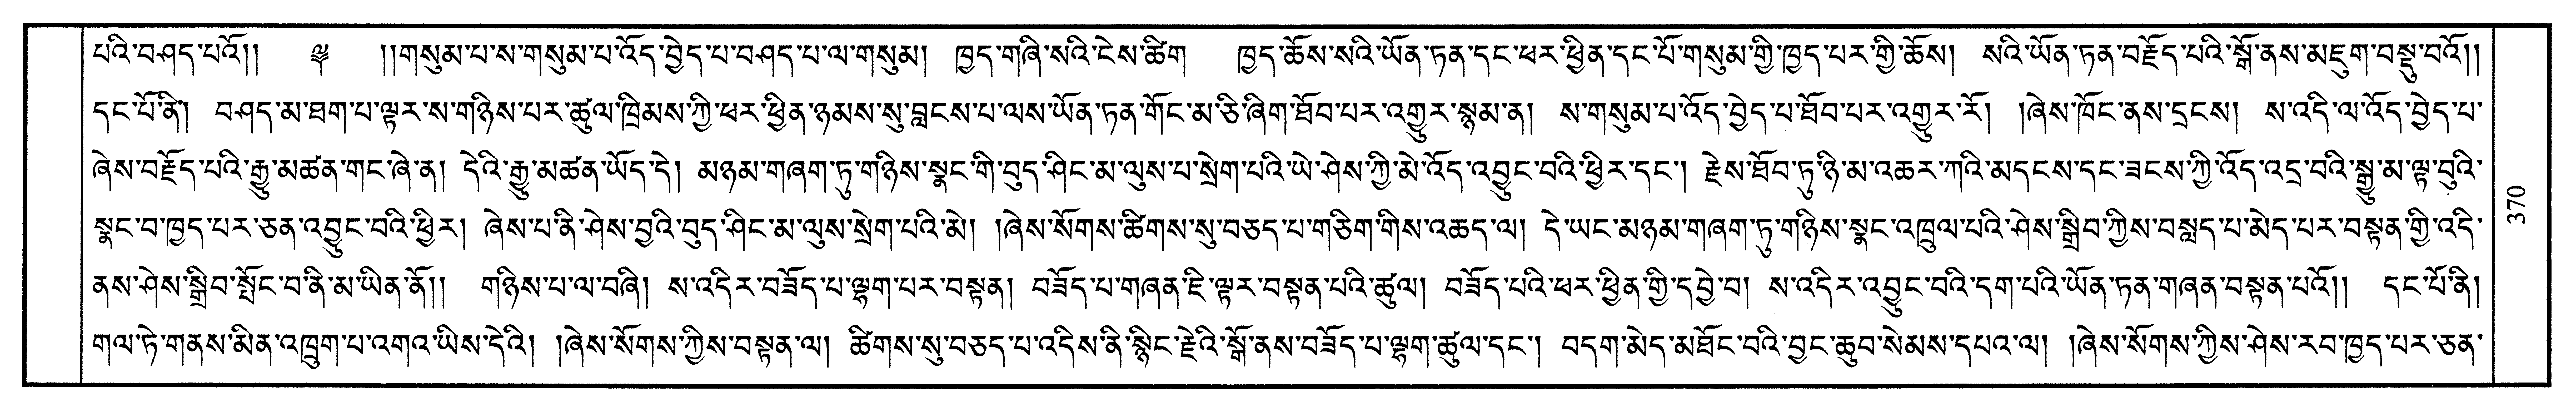པའི་བཤད་པའོ།། ༈ །།གསུམ་པ་ས་གསུམ་པ་འོད་བྱེད་པ་བཤད་པ་ལ་གསུམ། ཁྱད་གཞི་སའི་ངེས་ཚིག །ཁྱད་ཆོས་སའི་ཡོན་ཏན་དང་ཕར་ཕྱིན་དང་པོ་གསུམ་གྱི་ཁྱད་པར་གྱི་ཆོས། སའི་ཡོན་ཏན་བརྗོད་པའི་སྒོ་ནས་མཇུག་བསྡུ་བའོ།།
དང་པོ་ནི། བཤད་མ་ཐག་པ་ལྟར་ས་གཉིས་པར་ཚུལ་ཁྲིམས་ཀྱི་ཕར་ཕྱིན་ཉམས་སུ་བླངས་པ་ལས་ཡོན་ཏན་གོང་མ་ཅི་ཞིག་ཐོབ་པར་འགྱུར་སྙམ་ན། ས་གསུམ་པ་འོད་བྱེད་པ་ཐོབ་པར་འགྱུར་རོ། །ཞེས་ཁོངས་ནས་དྲངས། ས་འདི་ལ་འོད་བྱེད་པ་
ཞེས་བརྗོད་པའི་རྒྱུ་མཚན་གང་ཞེ་ན། དེའི་རྒྱུ་མཚན་ཡོད་དེ། མཉམ་གཞག་ཏུ་གཉིས་སྣང་གི་བུད་ཤིང་མ་ལུས་པ་སྲེག་པའི་ཡེ་ཤེས་ཀྱི་མེ་འོད་འབྱུང་བའི་ཕྱིར་དང་། རྗེས་ཐོབ་ཏུ་ཉི་མ་འཆར་ཀའི་མདངས་དང་ཟངས་ཀྱི་འོད་འདྲ་བའི་སྒྱུ་མ་ལྟ་བུའི་
སྣང་བ་ཁྱད་པར་ཅན་འབྱུང་བའི་ཕྱིར། ཞེས་པ་ནི་ཤེས་བྱའི་བུད་ཤིང་མ་ལུས་སྲེག་པའི་མེ། །ཞེས་སོགས་ཚིགས་སུ་བཅད་པ་གཅིག་གིས་འཆད་ལ། དེ་ཡང་མཉམ་གཞག་ཏུ་གཉིས་སྣང་འཁྲུལ་པའི་ཤེས་སྒྲིབ་ཀྱིས་བསླད་པ་མེད་པར་བསྟན་གྱི་འདི་
ནས་ཤེས་སྒྲིབ་སྤོང་བ་ནི་མ་ཡིན་ནོ།། གཉིས་པ་ལ་བཞི། ས་འདིར་བཟོད་པ་ལྷག་པར་བསྟན། བཟོད་པ་གཞན་ཇི་ལྟར་བསྟན་པའི་ཚུལ། བཟོད་པའི་ཕར་ཕྱིན་གྱི་དབྱེ་བ། ས་འདིར་འབྱུང་བའི་དག་པའི་ཡོན་ཏན་གཞན་བསྟན་པའོ།། དང་པོ་ནི།
གལ་ཏེ་གནས་མིན་འཁྲུག་པ་འགའ་ཡིས་དེའི། །ཞེས་སོགས་ཀྱིས་བསྟན་ལ། ཚིགས་སུ་བཅད་པ་འདིས་ནི་སྙིང་རྗེའི་སྒོ་ནས་བཟོད་པ་ལྷག་ཚུལ་དང་། བདག་མེད་མཐོང་བའི་བྱང་ཆུབ་སེམས་དཔའ་ལ། །ཞེས་སོགས་ཀྱིས་ཤེས་རབ་ཁྱད་པར་ཅན་